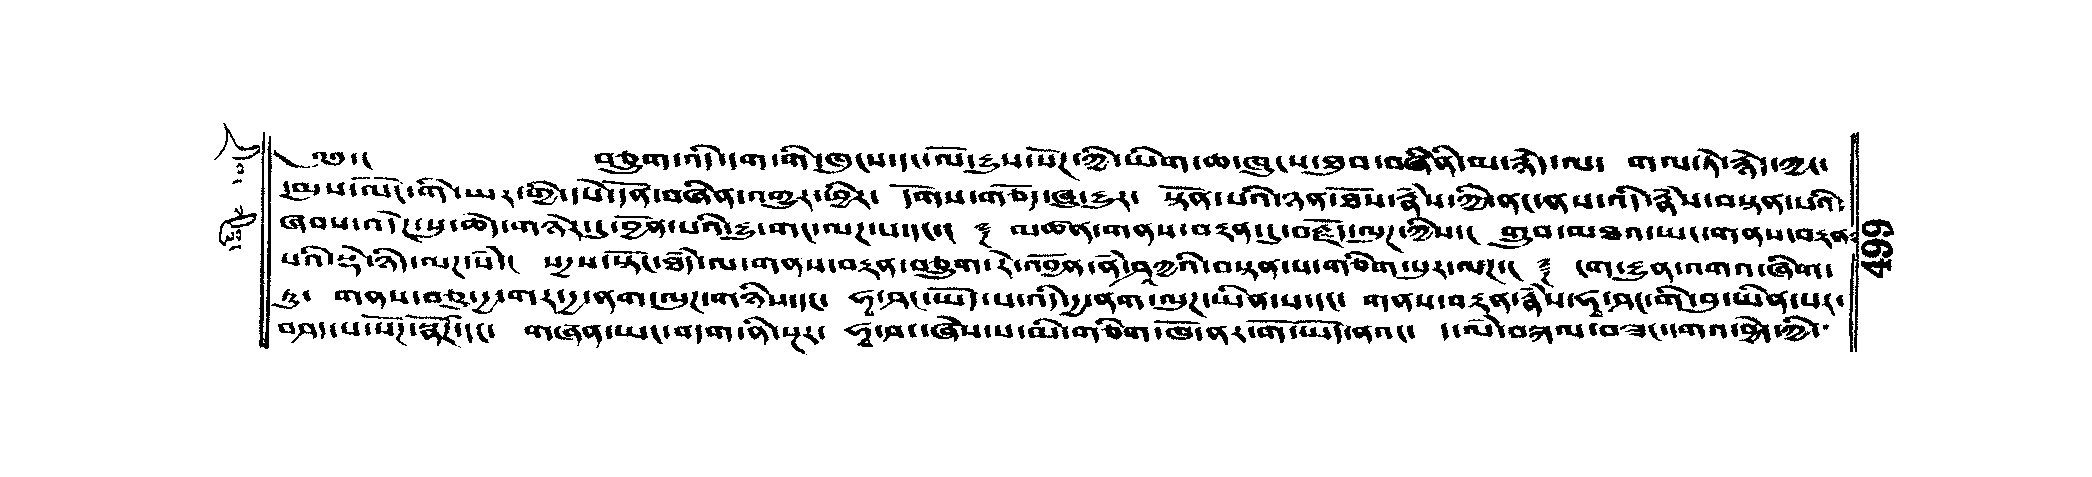བཅུ་དྲུག་འདི་དག་གི་ཁུངས་དང་ལོ་རྒྱུས་སོགས་ཀྱི་ཡིག་ཆ་ཁུངས་ཐུབ་ཞིག་ནི་མ་རྙེད་ལ། གལ་ཏེ་རྙེད་ཀྱང་
དམུས་ལོང་གི་མར་གྱི་དཔེ་དོན་བཞིན་འགྱུར་ཕྱིར། དོགས་གཅོད་ཞུ་རྒྱུར། སྟོན་པའི་ཉན་ཐོས་རྣམས་ཀྱི་ནང་ནས་འདི་རྣམས་བསྟན་པའི་
ཞབས་འདེགས་སུ་ཆེད་གཉེར་དུ་བྱོན་པའི་རྒྱུ་གང་ལགས་པ་དང་།༈ མཚན་གནས་བརྟན་དུ་བརྗོད་ལུགས་ཀྱིས། གྲུབ་མཐའ་ཡང་གནས་བརྟན་
པའི་སྡེ་ཉིད་ལགས་སམ། སངས་རྒྱས་སྟོང་ཐམས་ཅད་ལ་གནས་བརྟན་བཅུ་དྲུག་རེ་འབྱོན་ནམ་ཤཱཀྱའི་བསྟན་པ་གཅིག་པུར་ལགས། ངག་རྒྱུན་འགའ་ཞིག་
ཏུ། གནས་བཅུ་རྒྱ་གར་རྒྱ་ནག་ལུགས་གཉིས་དང་། ཧྭ་ཤང་ཡོད་པ་འདི་རྒྱ་ནག་ལུགས་ཡིན་པ་དང་། གནས་བརྟན་རྣམས་ཧྭ་ཤང་གི་བུ་ཡིན་པར་
བཤད་པ་སོགས་སྣ་ཚོགས་དང་། གཞན་ཡང་བདག་ནི་སྔར། ཧྭ་ཤང་ཞེས་པ་མི་གཅིག་ཁོ་ནར་གོ་ཡོད་ནའང་། ད་ལམ་སྐལ་བཟང་དགའ་བྱེད་ཀྱི་